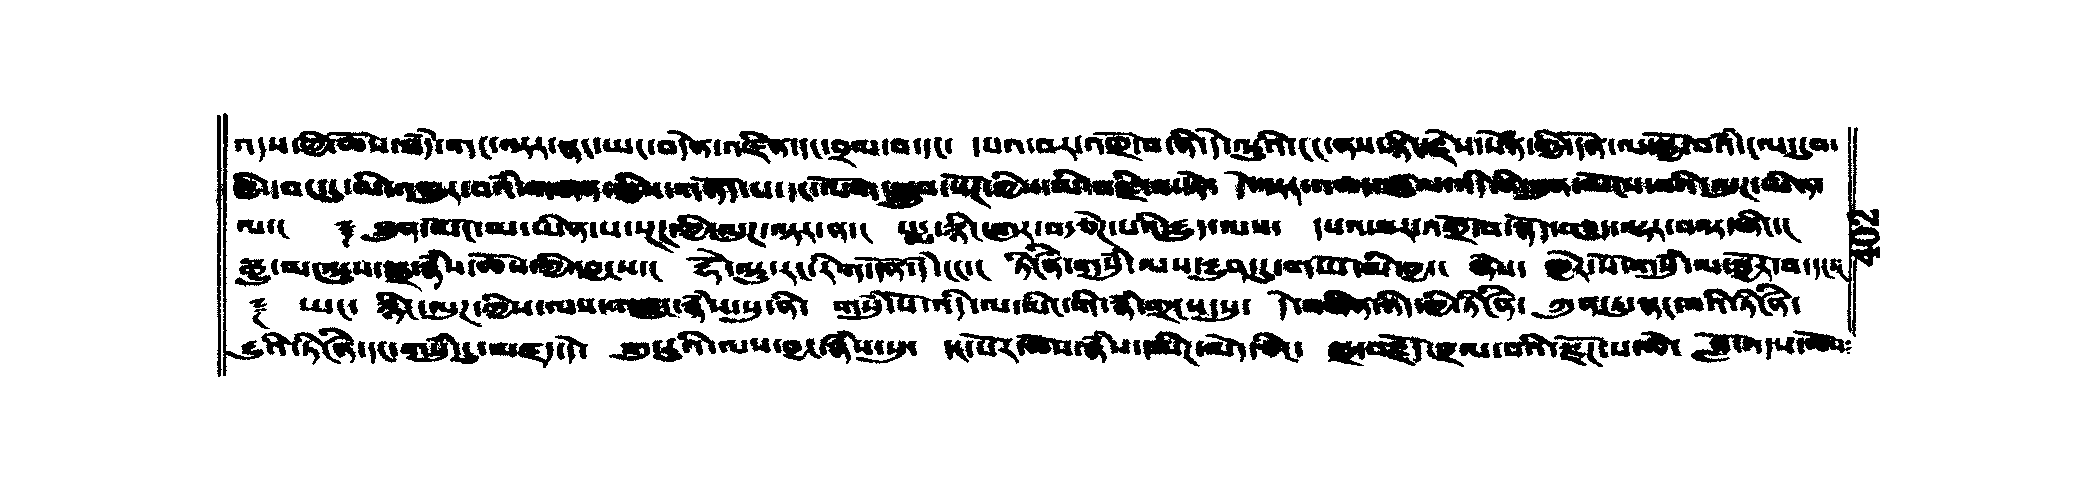འདས་ཀྱི་ཆོས་ཐམས་ཅད་གང་ལྟར་སྣང་ཡང་བདེན་འཛིན་དང་བྲལ་བ་དང་། དཔའ་བར་འགྲོ་བ་ནི་དེ་ལྟ་བུའི་ངང་ནས་སྙིང་རྗེས་སེམས་ཅན་གྱི་དོན་ལ་སྐྱོ་བའམ་ངལ་དུབ་
ཀྱི་དབང་དུ་མི་འགྱུར་བའམ་གཞན་གྱིས་གནོད་པ་དང་ལོག་སྒྲུབ་སོགས་ཀྱིས་མི་བརྫི་བ་སྟེ། དེ་ལྟར་འཆད་ཚུལ་འདི་ནི་ཐུན་མོང་བའི་ལུགས་ཡིན་
ལ། ཐུན་མོང་མ་ཡིན་པ་སྔགས་ཀྱི་ལུགས་ལྟར་ན། པདྨ་སྙིང་གུར་བརྩེགས་པའི་རྒྱུད་ལས། དཔའ་བར་འགྲོ་ལ་སྣོད་བཅུད་ལྷར་བལྟ་ཞིང་། །
སྒྱུ་མ་ལྟ་བུ་སྒྲ་རྣམས་ཆོས་ཀྱི་དབྱངས། །རྡོ་རྗེ་ལྟ་བུ་རང་རིག་དོན་དམ་ངང་། །ཏིང་འཛིན་གསུམ་ལས་རྒྱུན་དུ་གཡོ་མི་བྱ། ཞེས་ཁྱེར་སོ་གསུམ་ལ་སྦྱོར་བ་དང་། 
ཡང་རྙིང་ལུགས་ཀྱི་ལས་གཞུང་རྣམས་སུ་ནི། གསུམ་པོ་འདི་ལ་མིང་གི་རྣམ་གྲངས་སུ། དེ་བཞིན་ཉིད་ཀྱི་ཏིང་འཛིན། ཀུན་ཏུ་སྣང་བའི་ཏིང་བཛིན། 
རྒྱུའི་ཏིང་འཛིན་དང་གསུམ་དུ་མཛད་དེ། གུ་རུའི་ལས་བྱང་རྣམས་སུ། དང་པོར་ཆོས་རྣམས་དམིགས་མེད་ཅིང་། སྨྲ་བརྗོད་བྲལ་བའི་རྫོགས་པ་ཆེ། །བློ་འདས་ཆོས་